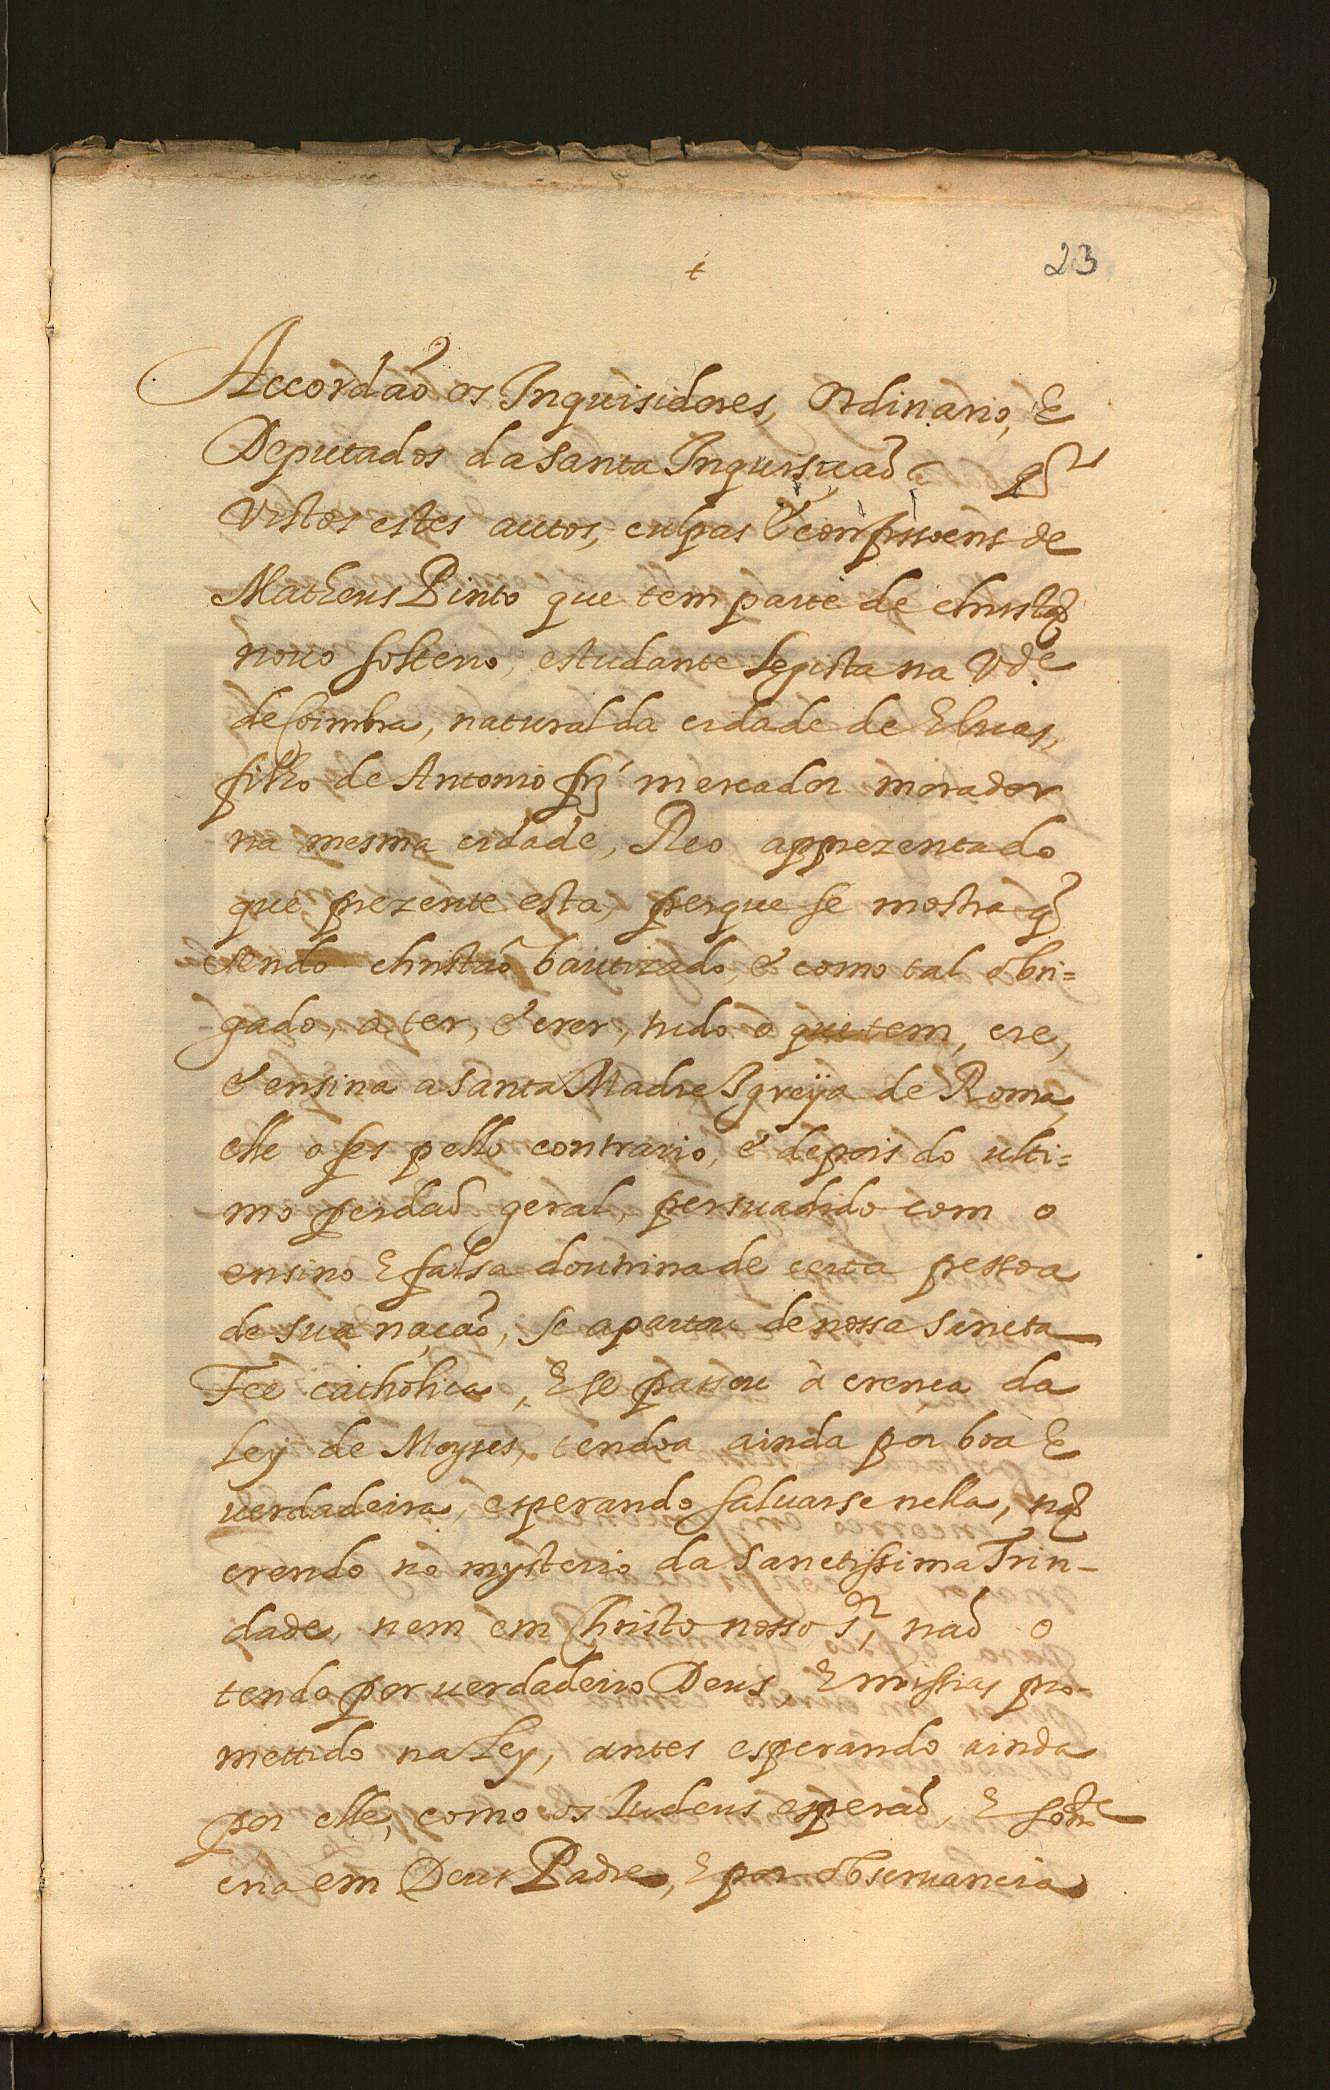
Accordaõ os Inquisidores, Ordinario, E
Deputados da Santa Inquisiçaõ q̄
vistos estes autos, culpas E confissoens de
Matheus Pinto que tem parte de christaõ
nouo solteiro, estudante Legista na Vde.
de Coimbra, natural da cidade de Eluas,
filho de Antonio frz̄ mercador morador
na mesma cidade, Reo apprezentado
que prezente esta, per que se mostra q̄
sendo christaõ bautizado, & como tal obri
gado, a ter, & crer, tudo o que tem, cre
& ensina a santa Madre Igreya de Roma,
elle o fes pello contrario, e depois do ulti
mo perdaõ geral, persuadido com o
ensino E falsa doutrina de certa pessoa
de sua naçaõ, se apartou de nossa sancta
Fee catholica, E se passou à crença da
Ley de Moyses, tendoa ainda por boa E
uerdadeira, esperando saluarse nella, naõ
crendo no mysterio da Sanctissima Trin
dade nem em Christo nosso sor, naõ o
tendo por uerdadeiro Deus, E missias pro
mettido na Ley, antes esperando ainda
por elle, como os Iudeus esperaõ, E somte
cria em Deus Padre, E por obseruancia
